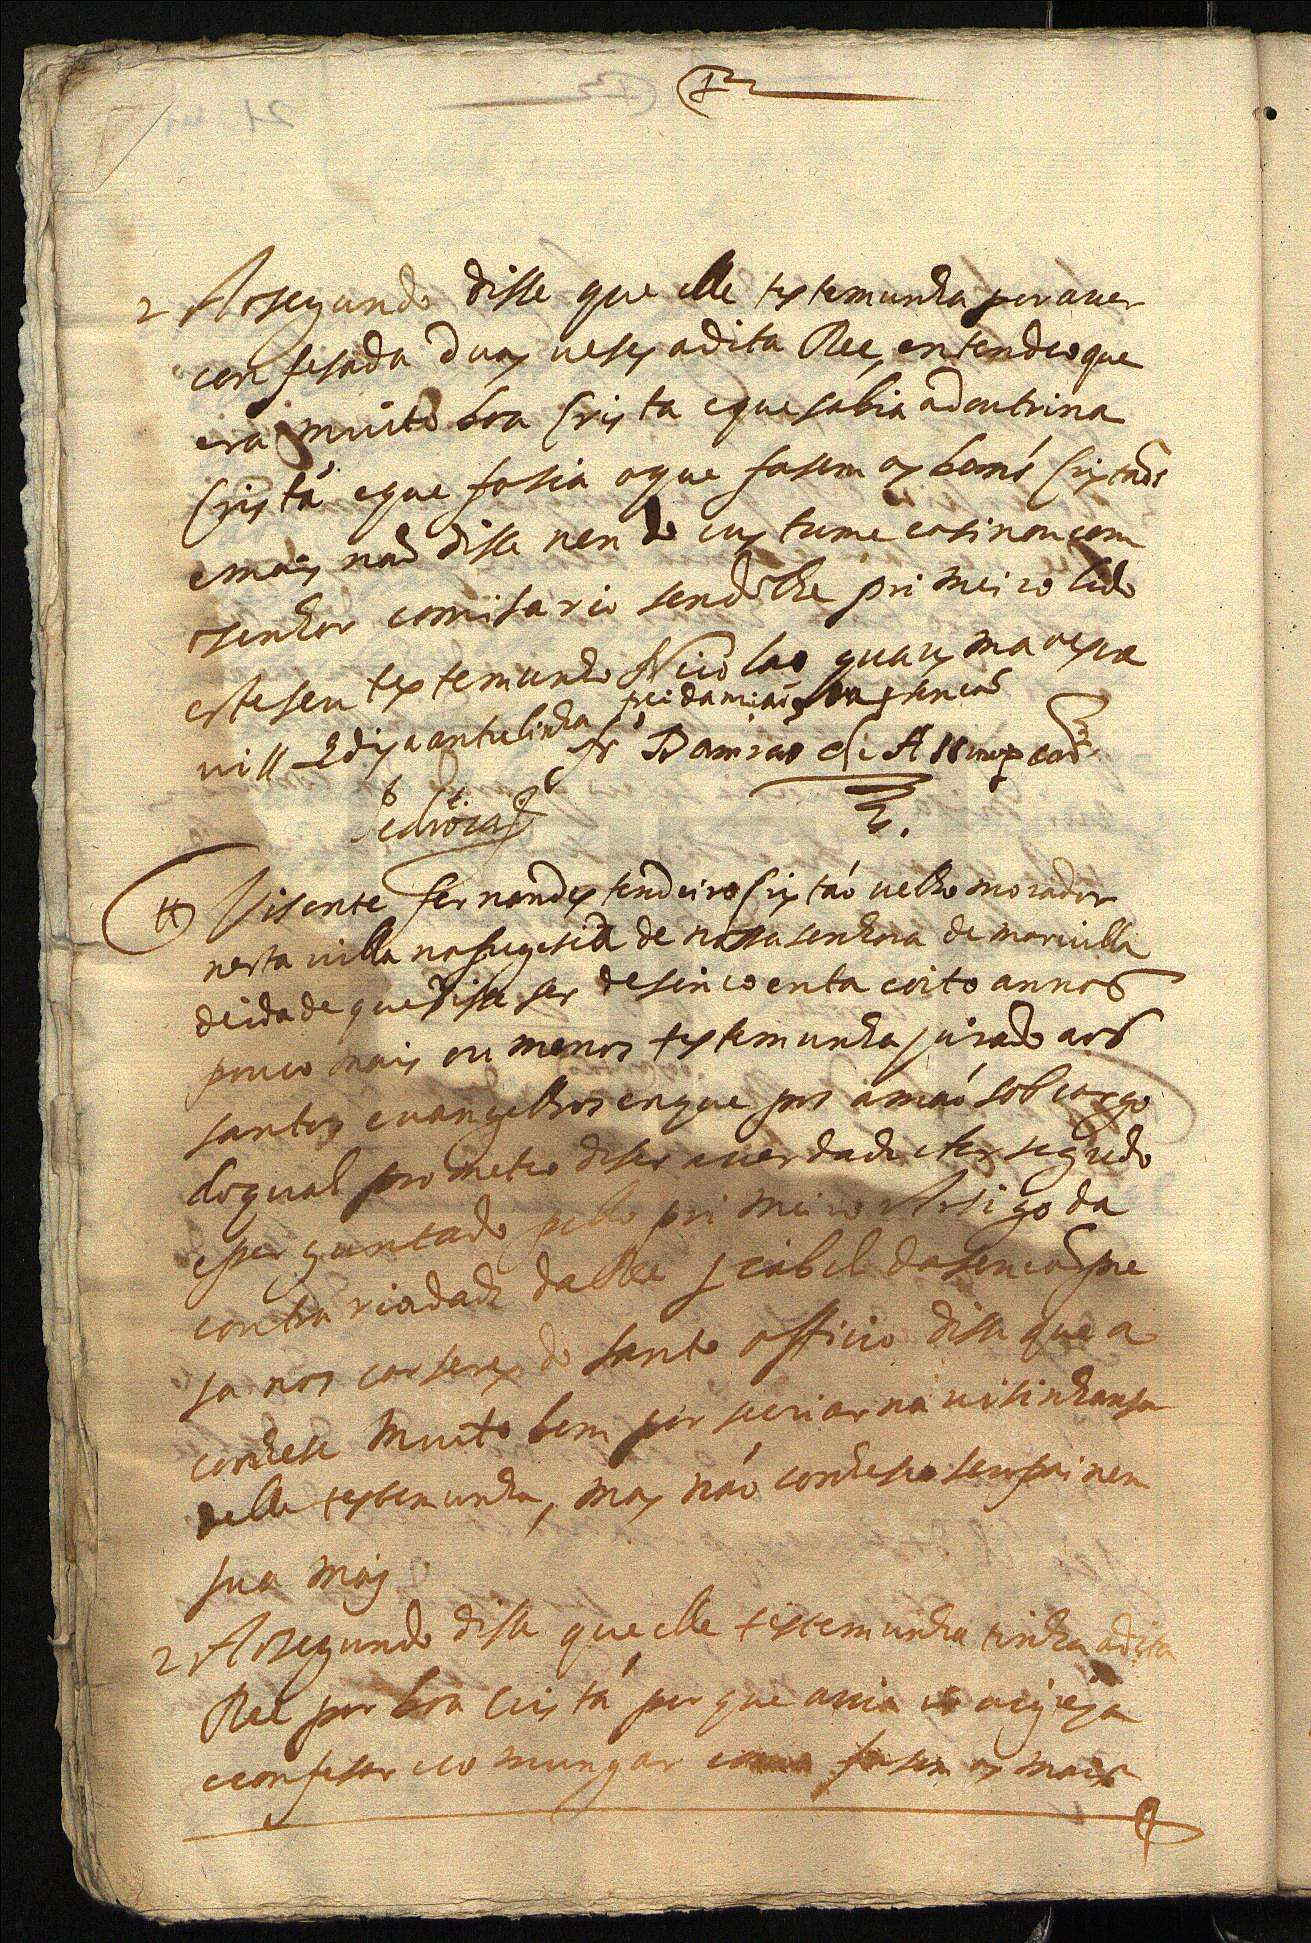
item Ao segundo disse que elle testemunha per auer
confesada duas ueses a dita Ree, entendeo que
era muito boa Crista e que sabia a doutrina
Cristã e que fasia o que fasem os bons̄ Cristaõs
e mais naõ disse nen do custume e asinou com
o senhor comisario sendolhe primeiro lido
este seu testemunho Nicolao quaresma o escre
ui // E dis a antrelinha
frei damiaõ dassençaõ
fr Damiaõ de Assumpçaõ
Pedroza
item Visente fernandes tendeiro Cristaõ uelho morador
nesta uilla na fregesia de nossa senhora de maruilla
de idade que disse ser de sincoenta e oito annos
pouco mais ou menos testemunha jurado aos
santos euangelhos en que pos a maõ sob cargo
do qual prometeo diser a uerdade e ter segredo
e perguntado pello primeiro Artigo da
contrariadade da Ree Jzabel dasençaõ pre
sa nos carseres do santo officio disse que a
conhese muito bem por se criar na uizinhansa
delle testemunha, mas naõ conheseo seu pai nem
sua maj
2 Ao segundo disse que elle testemunha tinha a dita
Ree por boa cristã perque auia ir a igreja
e confesar e comungar como fasem os mais
